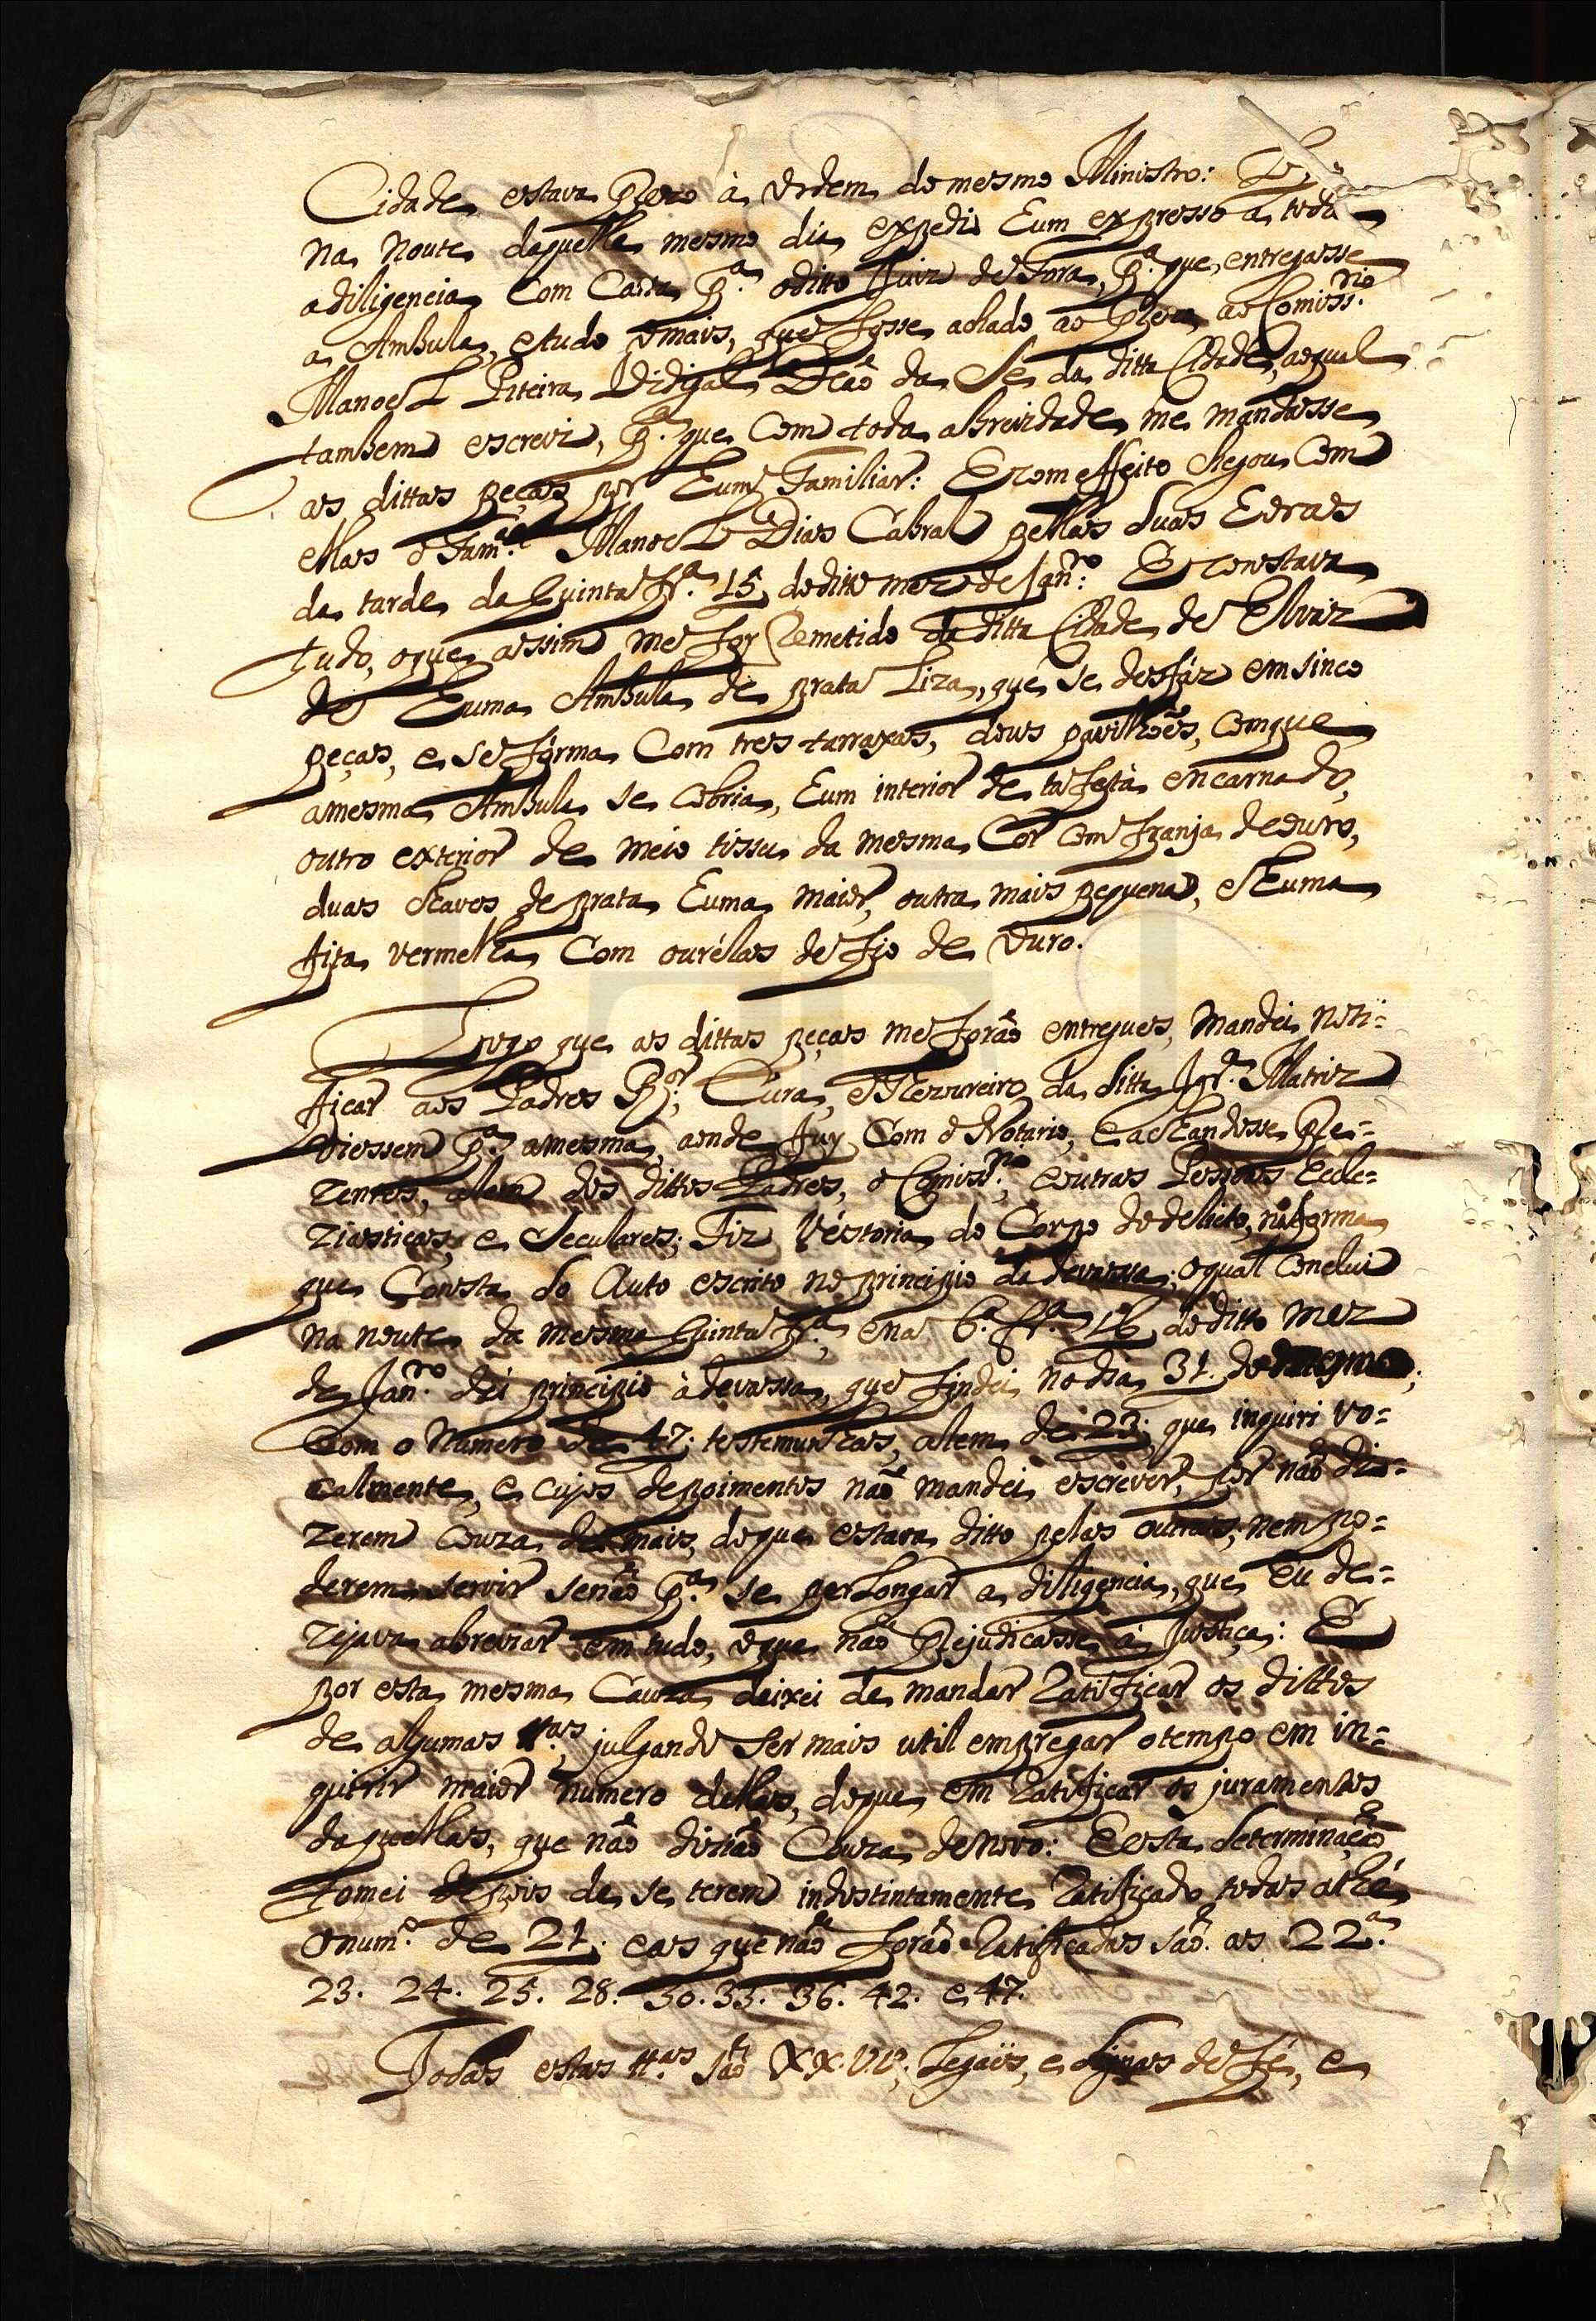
Cidade estava prezo a ordem do mesmo Ministro: Logo
na noute daquelle mesmo dia expedio hum expresso a toda
a diligencia com Carta p.a o ditto Juiz de Fora p.a que, entregasse
a Ambula, e tudo o mais, que fosse achado ao pRezo, ao Comiss.rio
ManoeL Piteira Vidigal Deão da Sé da ditta Cidade, ao qual
tambem escrevi, p.a que com toda a brevidade me mandasse
as dittas peças por hum Familiar: E com effeito chegou Com
ellas o Fam.ar Manoel Dias Cabral pellas duas horas
da tarde da quinta fr.a 15 do ditto mez de Jan:ro E constava
tudo, o que assim me foy Remetido da ditta Cidade de Elvaz
de huma Ambula de prata Liza, que se desfáz em sinco
peças, e se forma com tres tarraxas, dous pavilhoẽs, com que
a mesma Ambula se cobria, hum interior de tafetà encarnado,
outro exterior de meio tissu da mesma Cor com franja de ouro,
duas chaves de prata huma maior, outra mais pequena, e huma
fita vermelha com ourélas de fio de Ouro.
Logo que as dittas peças me forão entregues, mandei noti
ficar aos Padres R.or; Cura e Thezoureiro da ditta Jgr.a Matriz
viessem p.a a mesma, aonde fuy Com o Notario, e achandosse pRe
zentes, alem dos dittos Padres, o Comiss.rio, e outras Pessoas Eccle
ziasticas, e Seculares; Fiz Véstoria do Corpo do delicto, na forma
que Consta do Auto escrito no principio da devassa; o qual Conclui
na noute da mesma Quinta f.a, e na 6.a fra 16 do ditto mez
de Jan.ro dei principio à devassa, que findei no dia 31. do mesmo;
Com o Numero de 47. testemunhas, alem de 23; que inquiri vo
calmente, e cujos depoimentos, naõ mandei escrever por naõ di
zerem couza de mais, do que estava ditto pelas outras, nem po
derem servir se naõ p.a se perLongar a diligencia, que Eu de
zejava abreviar em tudo, o que naõ prejudicasse á Justiça: E
por esta mesma Cauza deixei de mandar Ratificar os dittos
de algumas tt.as julgando ser mais util empregar o tempo em in
quirir maior numero dellas, do que em Ratificar os juramentos
daquellas, que não dizião Couza de novo: E esta determinação
Tomei depois de se terem indistintemente Ratificado todas athé
o num.o de 21. e as que não forão Ratificados são as 22a.
23. 24. 25. 28. 30. 33. 36. 42. e 47.
Todas estas tt.as são xx. v.v; Legaes, e dignas de fé, e
